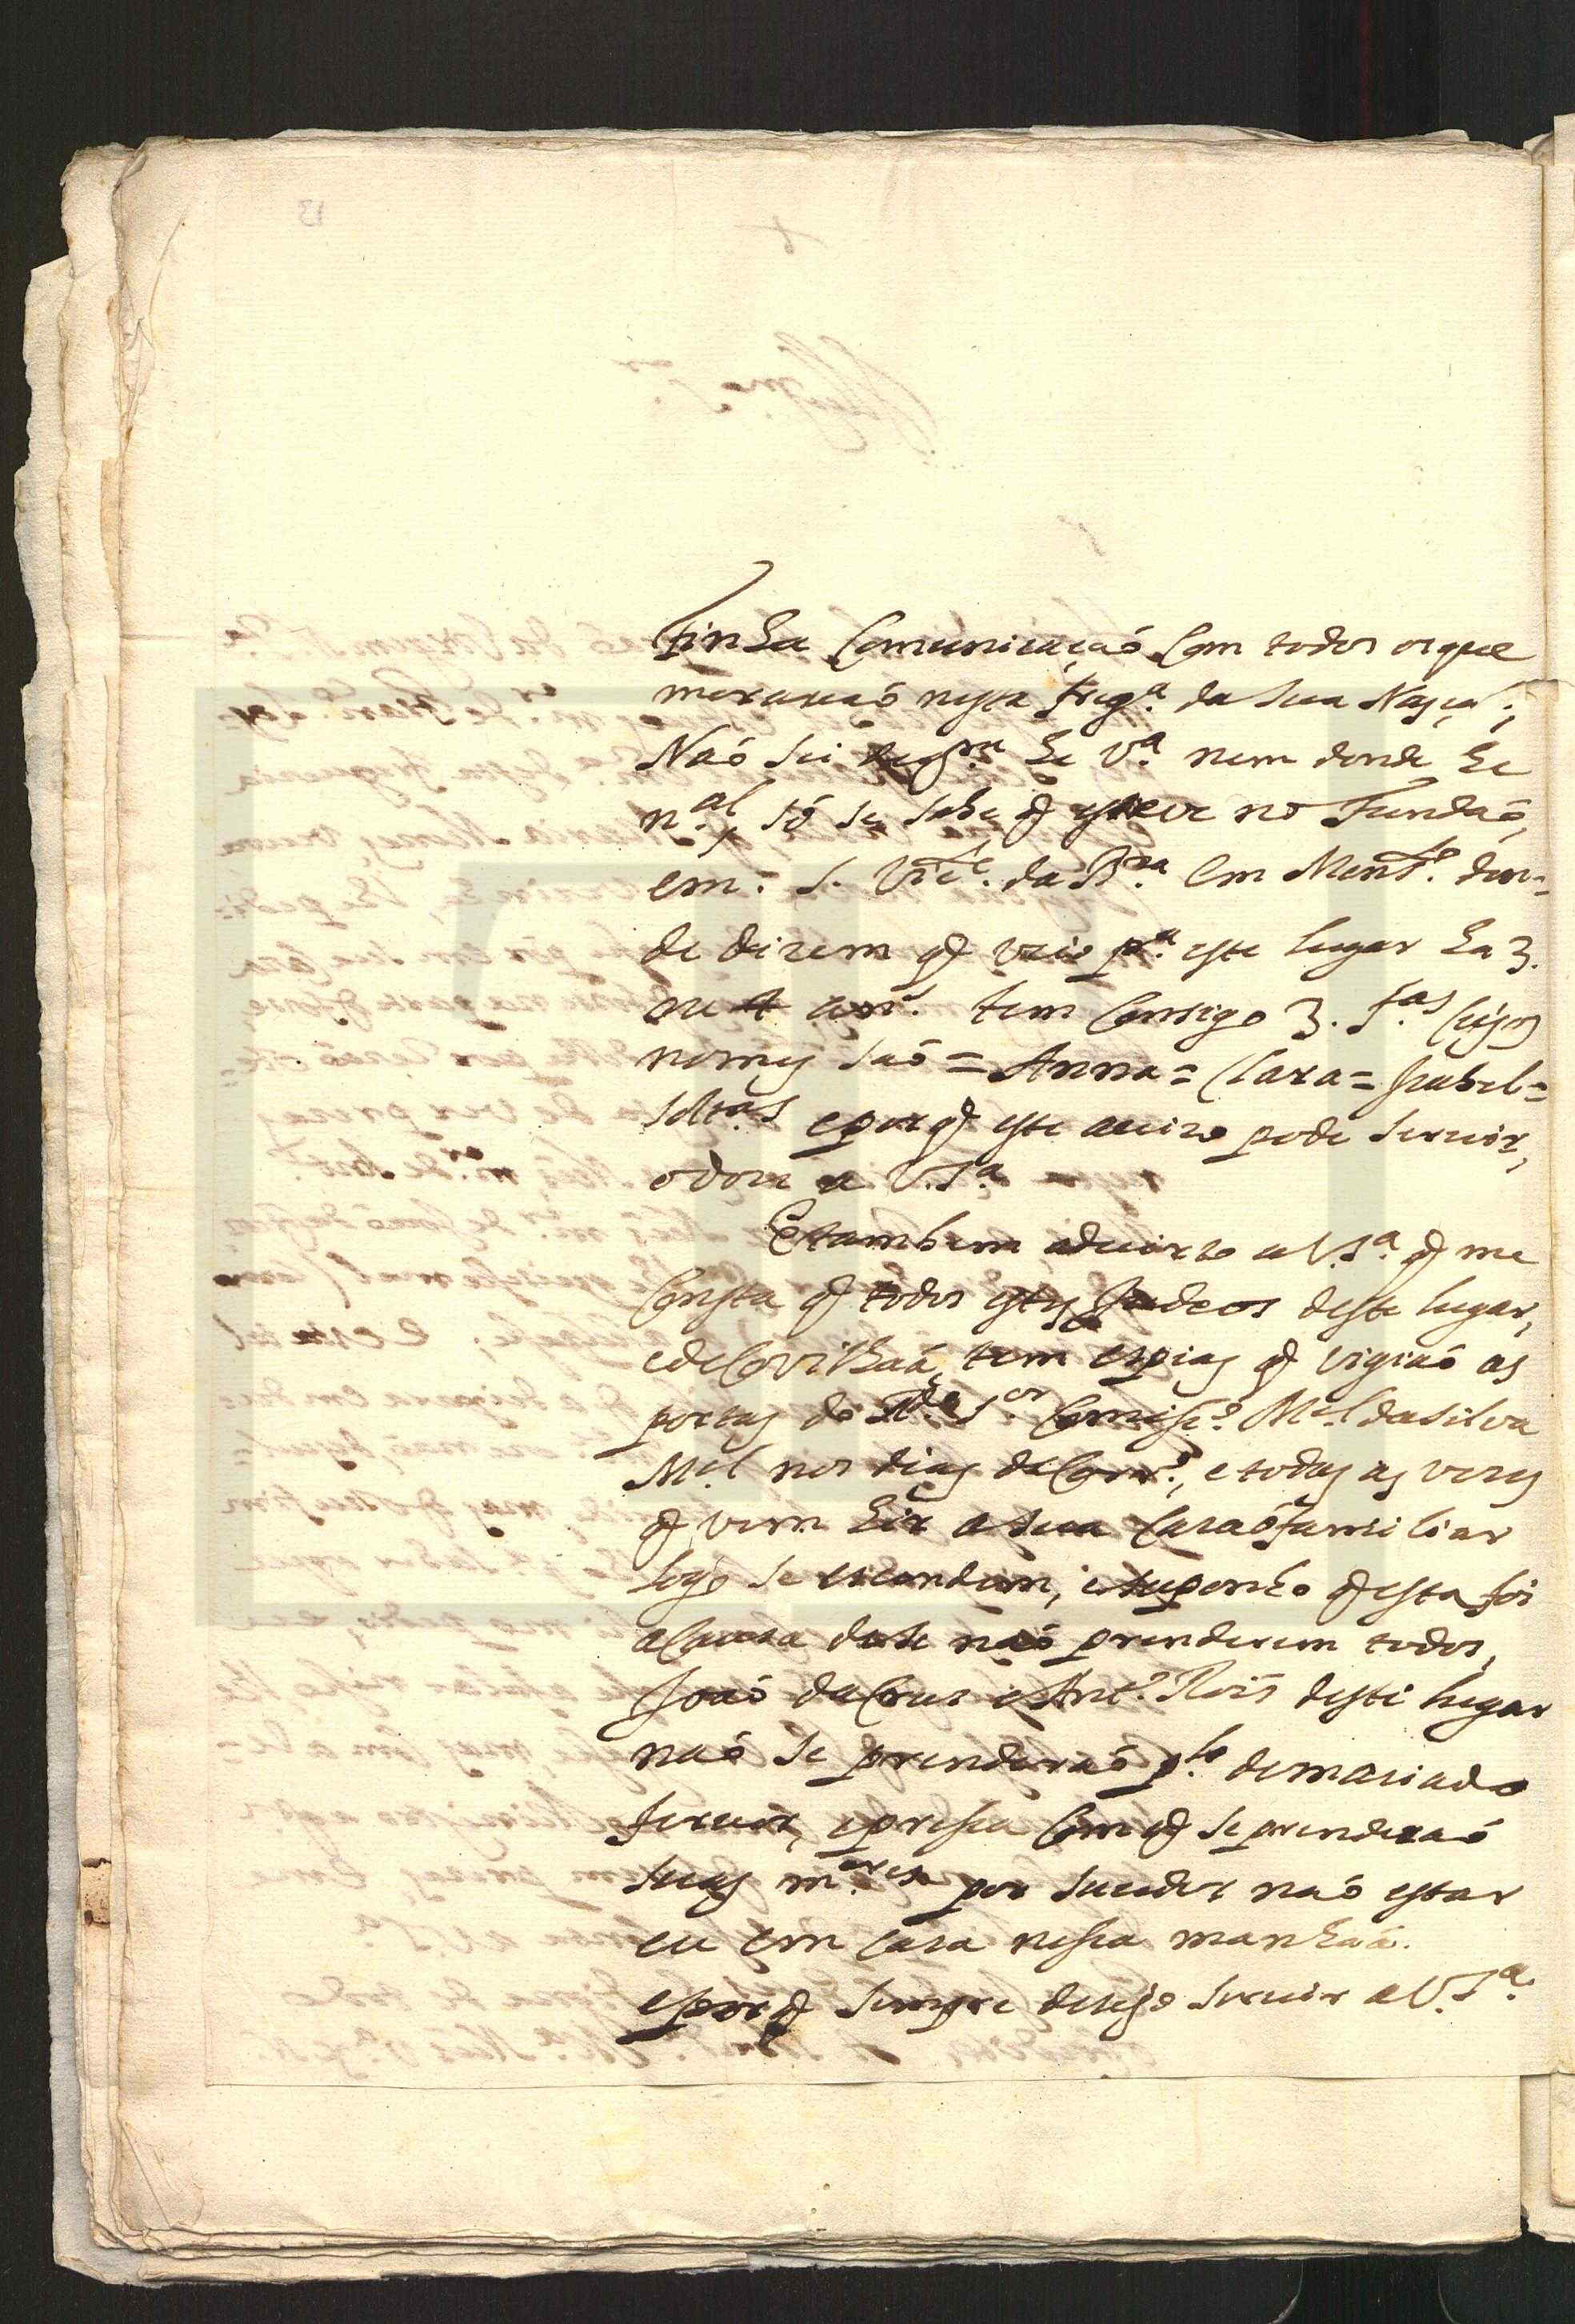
Tinha Comunicaçaõ Com todos os que
morauaõ nesta freg.a da sua Nasça;
Naõ sei de q.m hé V.a nem donde he
n.al, só se sabe q̄ esteve no Fundaõ
em. s. Vic.te da B.ra em Mons.to don
de dizem q̄ veio p.a este lugar ha 3.
ou 4 an.s tem Consigo 3. t.as Cujos
nomes saõ = Anna = Clara = Jzabel
solt.as e porq̄ este auizo pode seruir,
o dou a V. S.a
E tambem aduirto a V S.a q̄ me
Consta q̄ todos estes Judeos deste lugar,
e de Covilhaã tem espias q̄ vigiaõ as
portas do R.do S.or Comiss.o M.el da Silva
M.el nos dias de Corr.o, e todas as vezes
q̄ vem hir a sua Caza o familiar
logo se escondem, e suponho q̄ esta foi
a Cauza de se naõ prenderem todos,
Joaõ da Crus Ant.o Rois̄ deste lugar
naõ se prenderaõ p.lo demaziado
feruor, e pressa Com q̄ se prenderaõ
suas m.eres por suceder naõ estar
eu em caza nessa manhaā.
e porq̄ sempre desejo seruir a V. S.a
